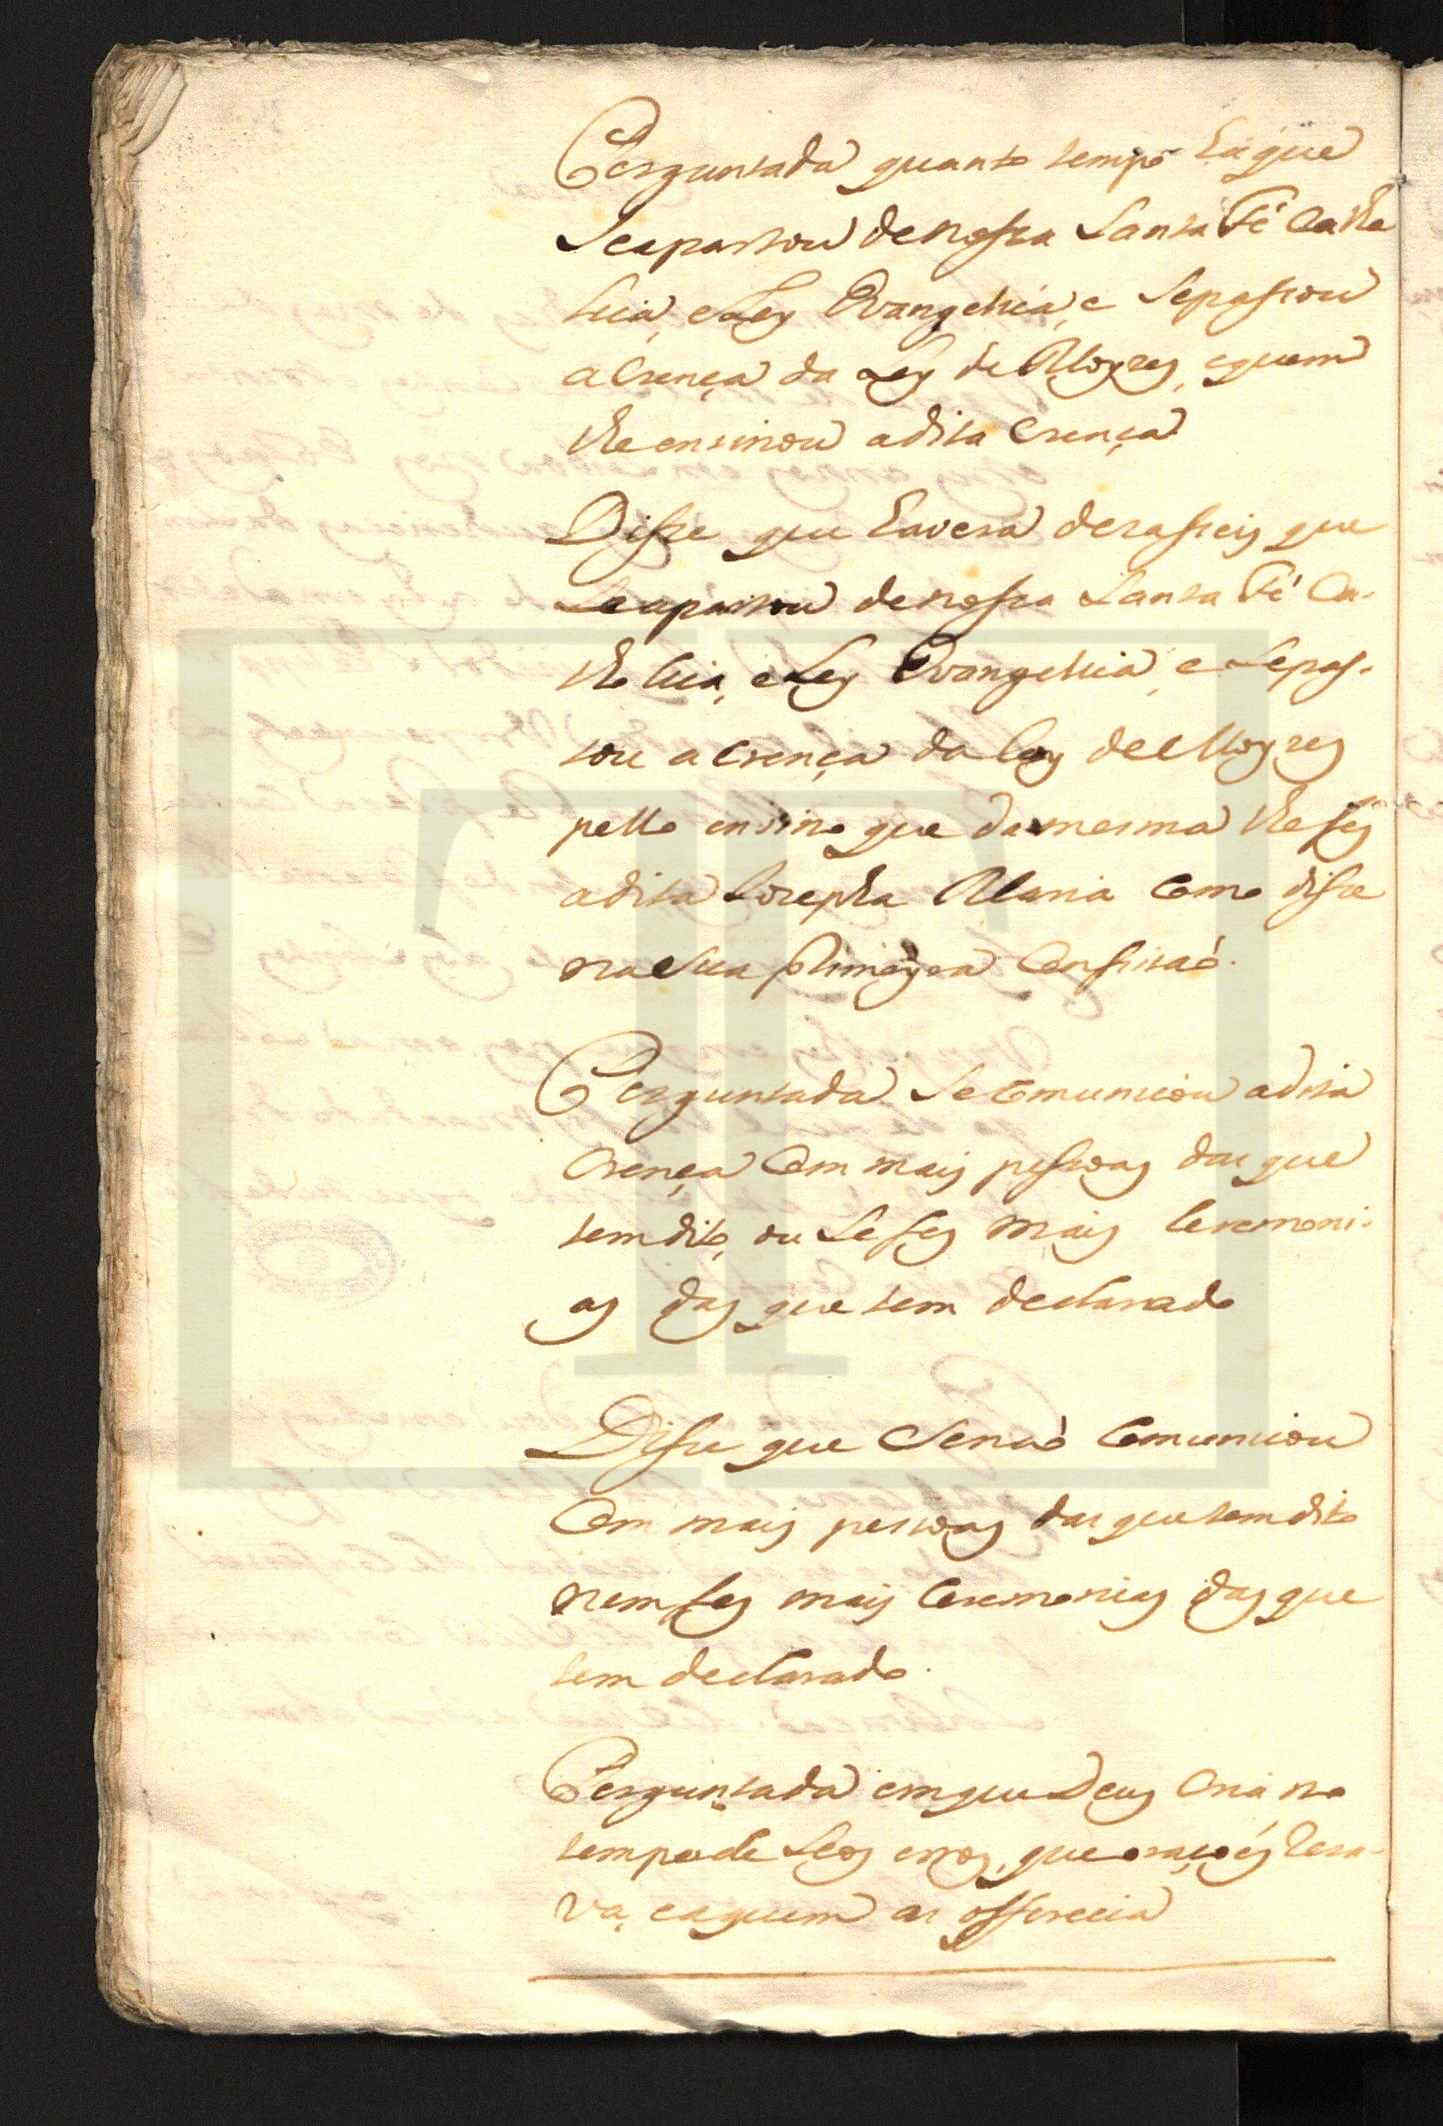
Perguntada quanto tempo ha que
se apartou de nossa Santa Fé catha
lica, e Ley Evangelica, e se passou
a crença da Ley de Moyzes, e quem
lhe ensinou a dita crença
Disse que havera dezasseis que
se apartou de nossa Santa Fé Ca
tholica, e Ley Evangelha, e se pas
sou a crença da ley de Moyzes
pello ensino que da mesma lhe fes
a dita Iozepha Maria como disse
na sua primeyra Confissaõ.
Perguntada se comunicou a dita
crença Com mais pessoas das que
tem dito, ou se fes mais ceremoni
as das que tem declarado
Disse que senaõ comunicou
Com mais pessoas das que tem dito
nem fes mais ceremonias das que
tem declarado.
Perguntada em que Deus cria no
tempo de seos erros, que oraçoẽs Reza
va e quem as offerecia
